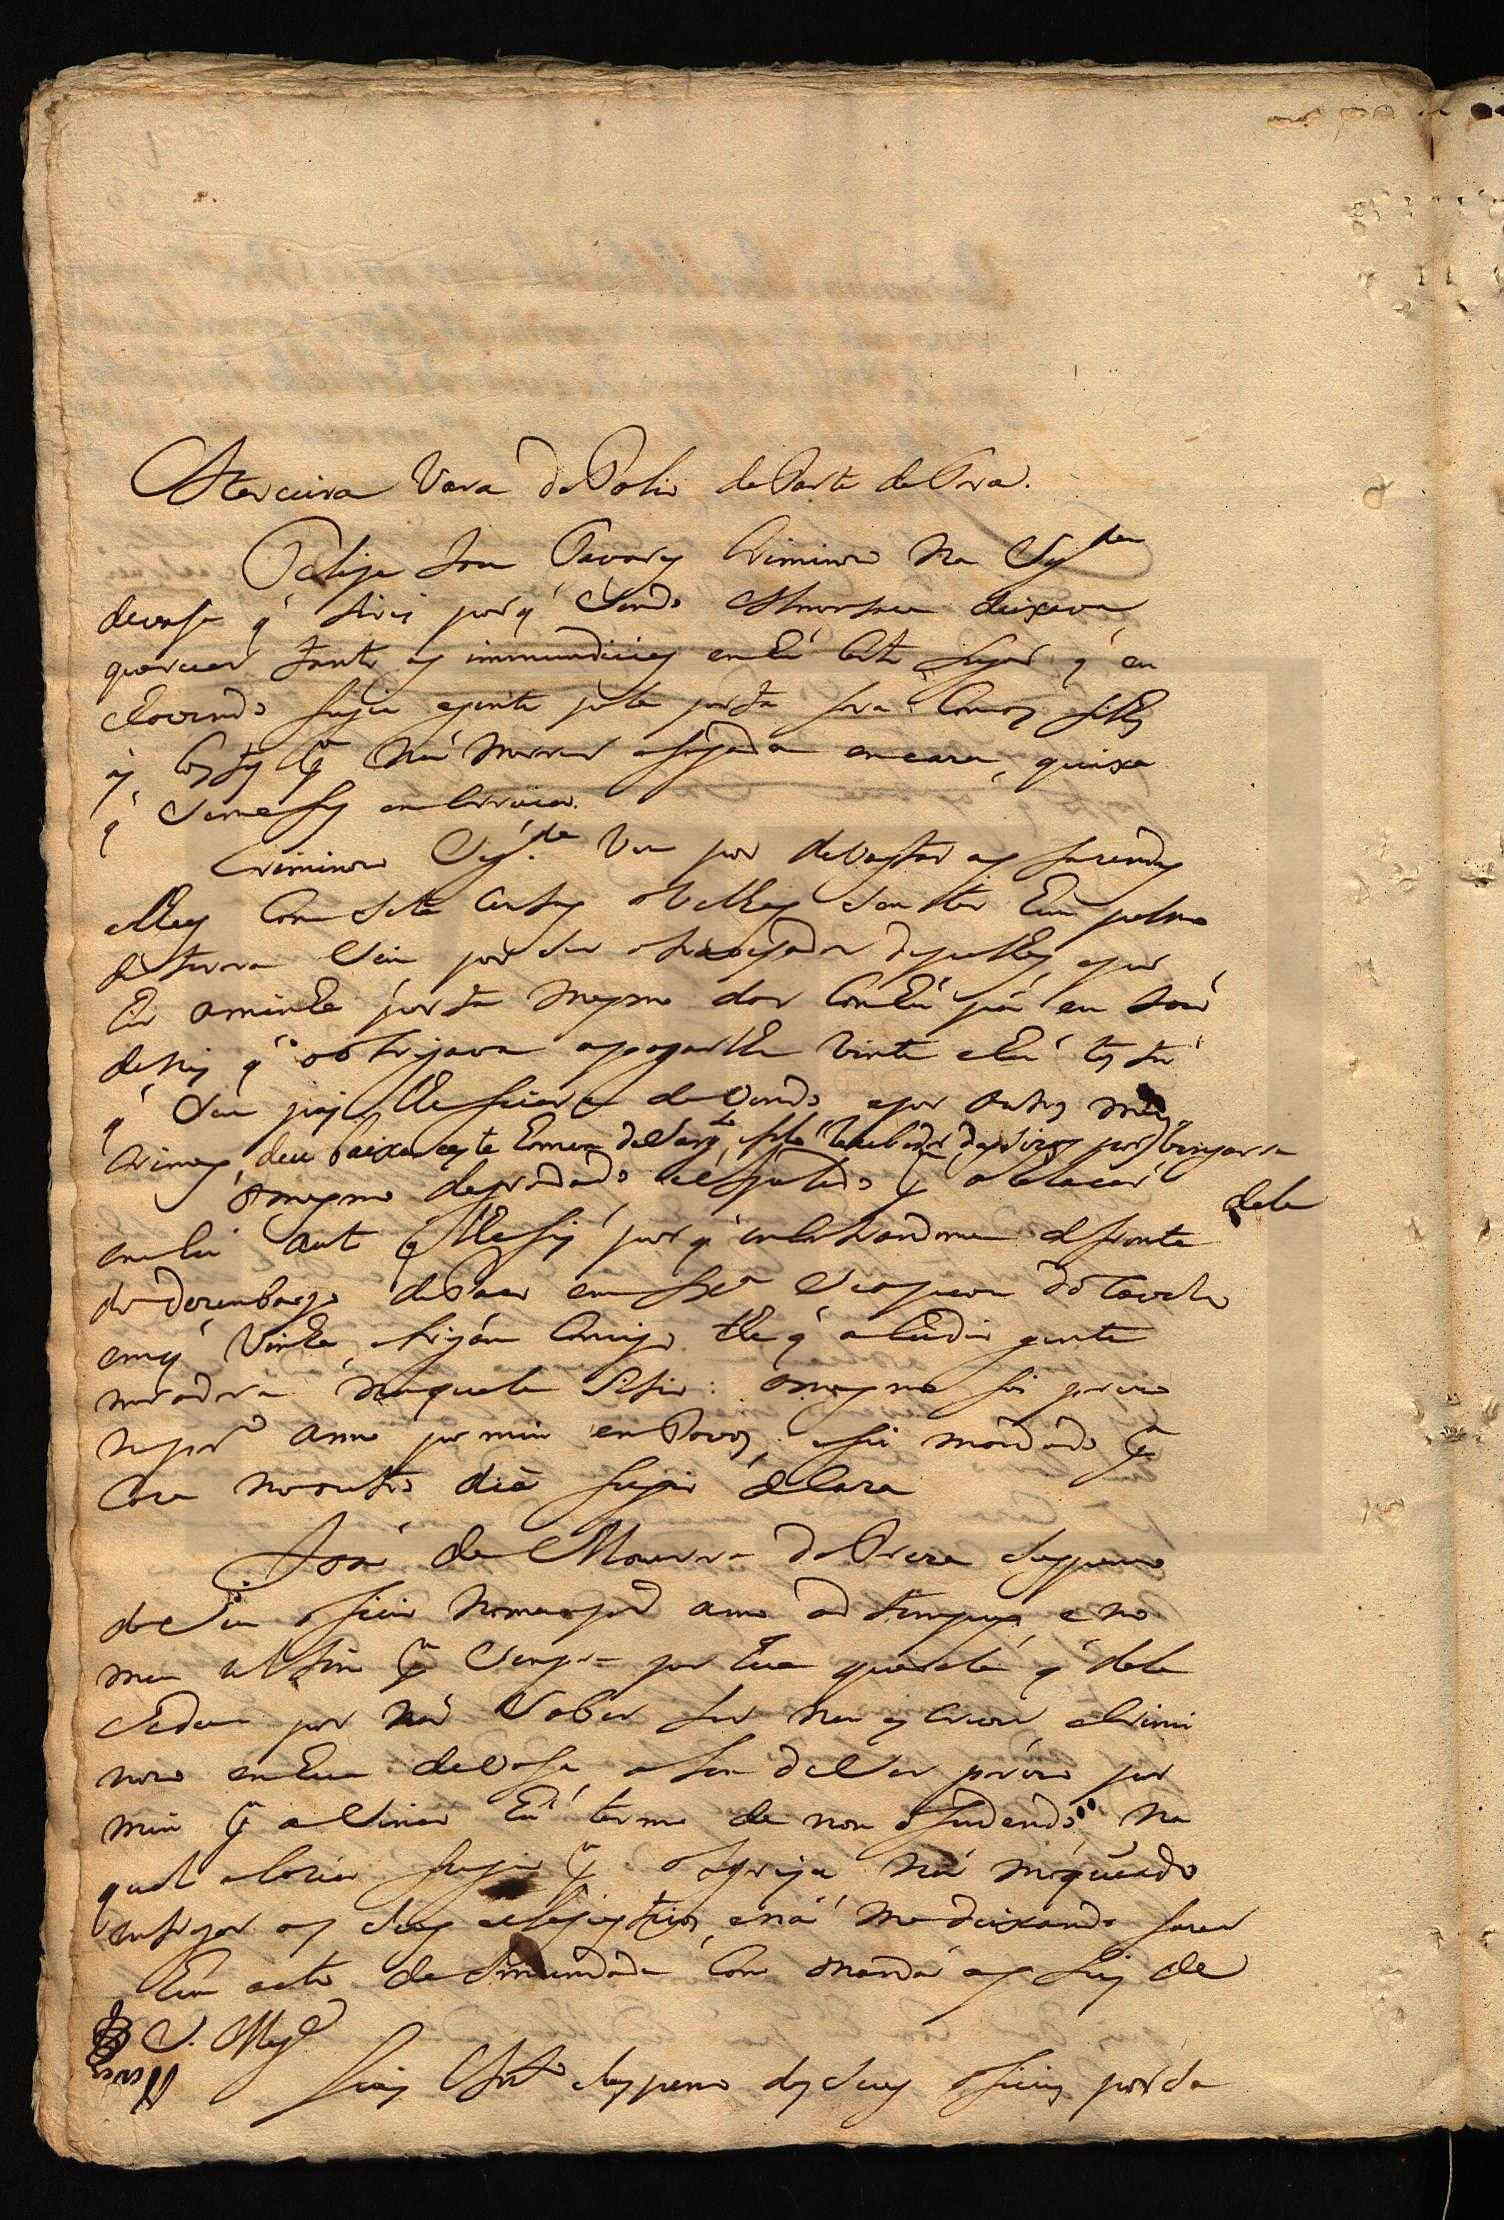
A terceira Vara do Palio de Parte de Fora.
Felipe Ioze Tavares Criminozo na segda
devasa q̄ tirei porq̄ Sendo Almortace deixava,
aporuar tanto as immundicias em hū Certo Lugar q̄ en
chovendo fugiu a gente pela porta fora Com os filhos
as Costa pa naõ Morrer afogada en caza, queixa
q̄ se me fis en Correria.
Criminozo Seg.da Vez por devastar as fazendas
alheas Com setecentas oVelhas sen ter hum palmo
de terra seu, por ser atravesador de pellos, e por
hir a minha porta mesmo dar Con hū pá en Ioaõ
denis q̄ o obrigava a pagarlhe vinte e hū tostaõ
q̄ seu paj lhe ficara devendo e por Outros maes
Crimes, deu baixa este homem de Sargto, e fiCo Recebedor das sizas por vingarse
o mesmo degredado e Apelado pa o Relocar
dele
em hū auto q̄ lhe fis porq̄ enControume defronte
do dezenbargo do Paço em Lxa Se apeou do Cavalo
em q̄ Vinha, e brigou Comigo the q̄ aCudio gente
moradora naquele sitio: o mesmo foi prezo
no pro anno por min en Povos, e foi mandado pa
Caza no outro dia fugir de Caza
Joaõ de Mourera do Preza Suspenso
de seu oficio nomeo por amo ao tempo, e no
meu ultimo pa sempre= por hua querela q̄ dele
se deue por naõ Saber ler nem escrever, o Crimi
nozo en hua devasa, alen de ser prezo por
min pa aSinar hū termo de non ofendendo na
qual alazia[??] fugir pa a Igreja naõ mo quēndo
entregar os seus eclesisticos, e naõ me deixando fazer
hū acto de Imendada Como manda as leis de
S. Mage
Luis Anto Suspenso dos Seus oficios por sa
